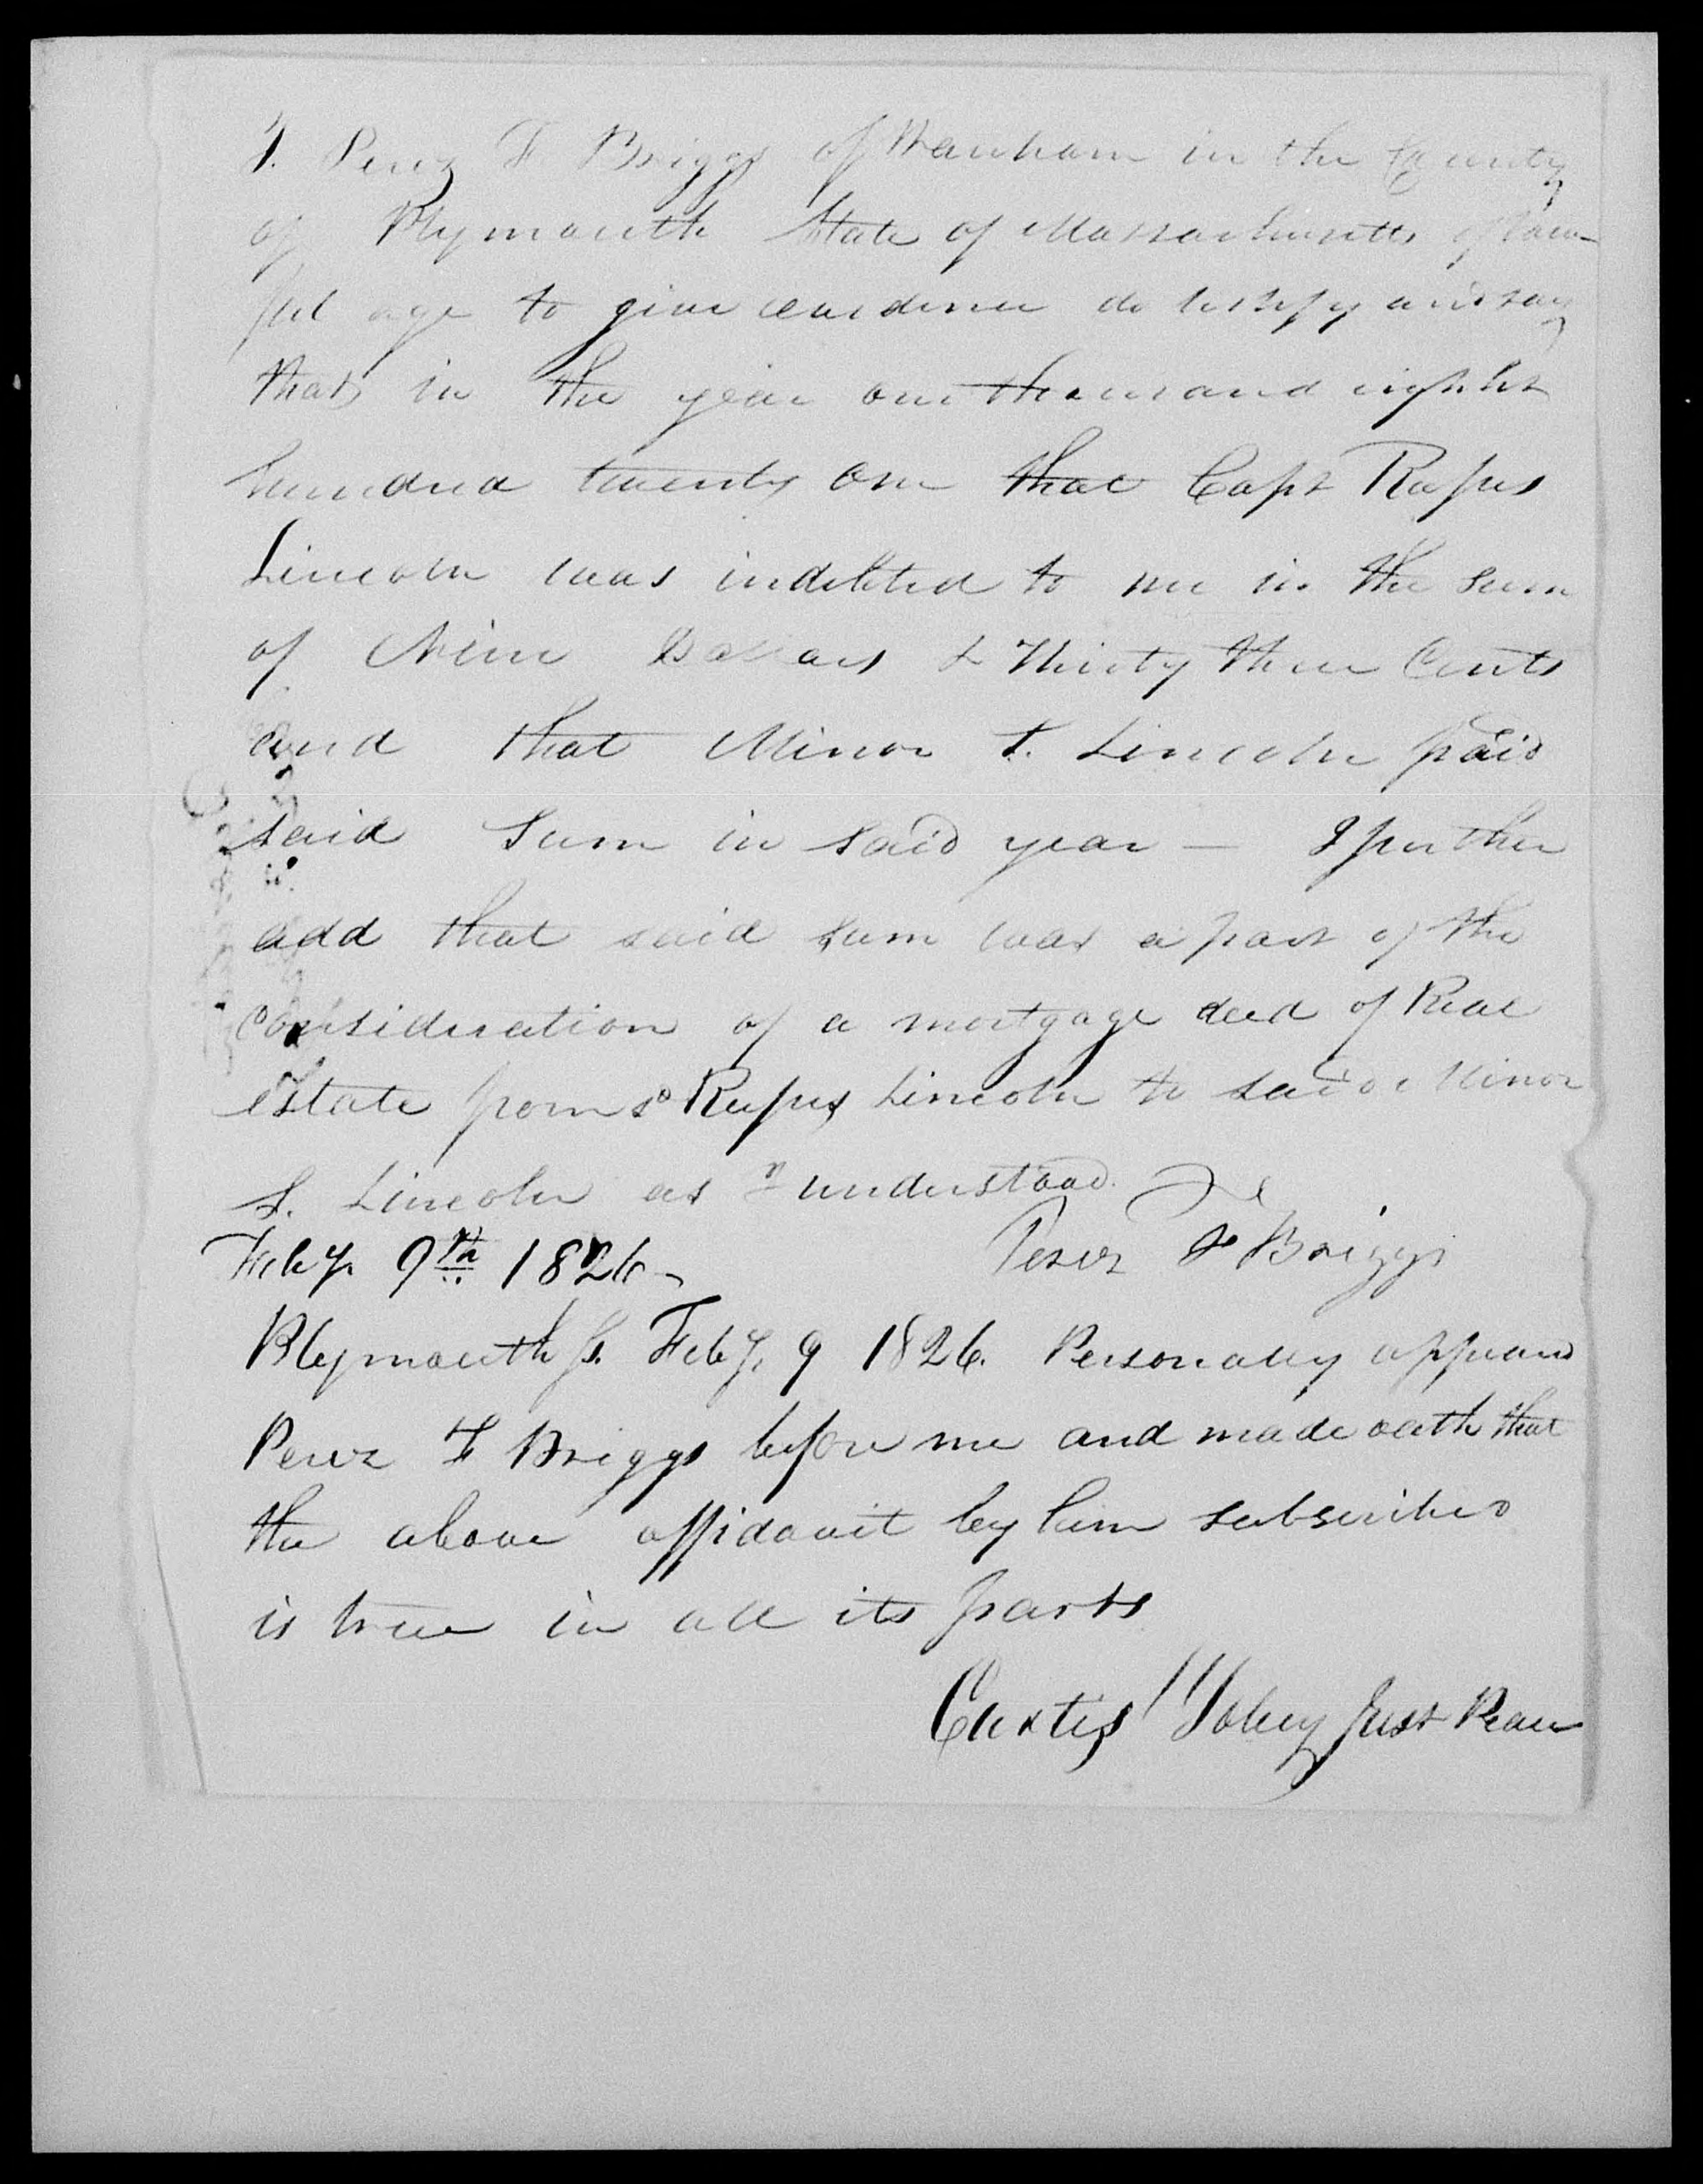I Perez F. Briggs of Wareham in the County
of Plymouth State of Massachusetts of a
lawful age to give evidence do testify and say
that in the year one thousand eight hundred twenty one that Capt Rufus Lincoln was indebted to me in the sum of Nine Dollars & thirty three cents and that Minor T. Lincoln paid said sum in said year - I further add that said sum was a part of the consideration of a mortgage deed of Real estate from said Rufus Lincoln to said Minor S. Lincoln as understood.
Feby 9th 1826
Perez F Briggs
Plymouth ss Feby 9. 1826 Personally appeared
Perez F. Briggs before me and made oath that the above affidavit by him subscribed is true in all its parts
Curtis Tobey   Just Peace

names: Perez F Briggs; Rufus Lincoln; Minor S Lincoln; Curtis Tobey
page: 37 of 82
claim: widow's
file: W. 13,634, for Rufus Lincoln, Massachusetts